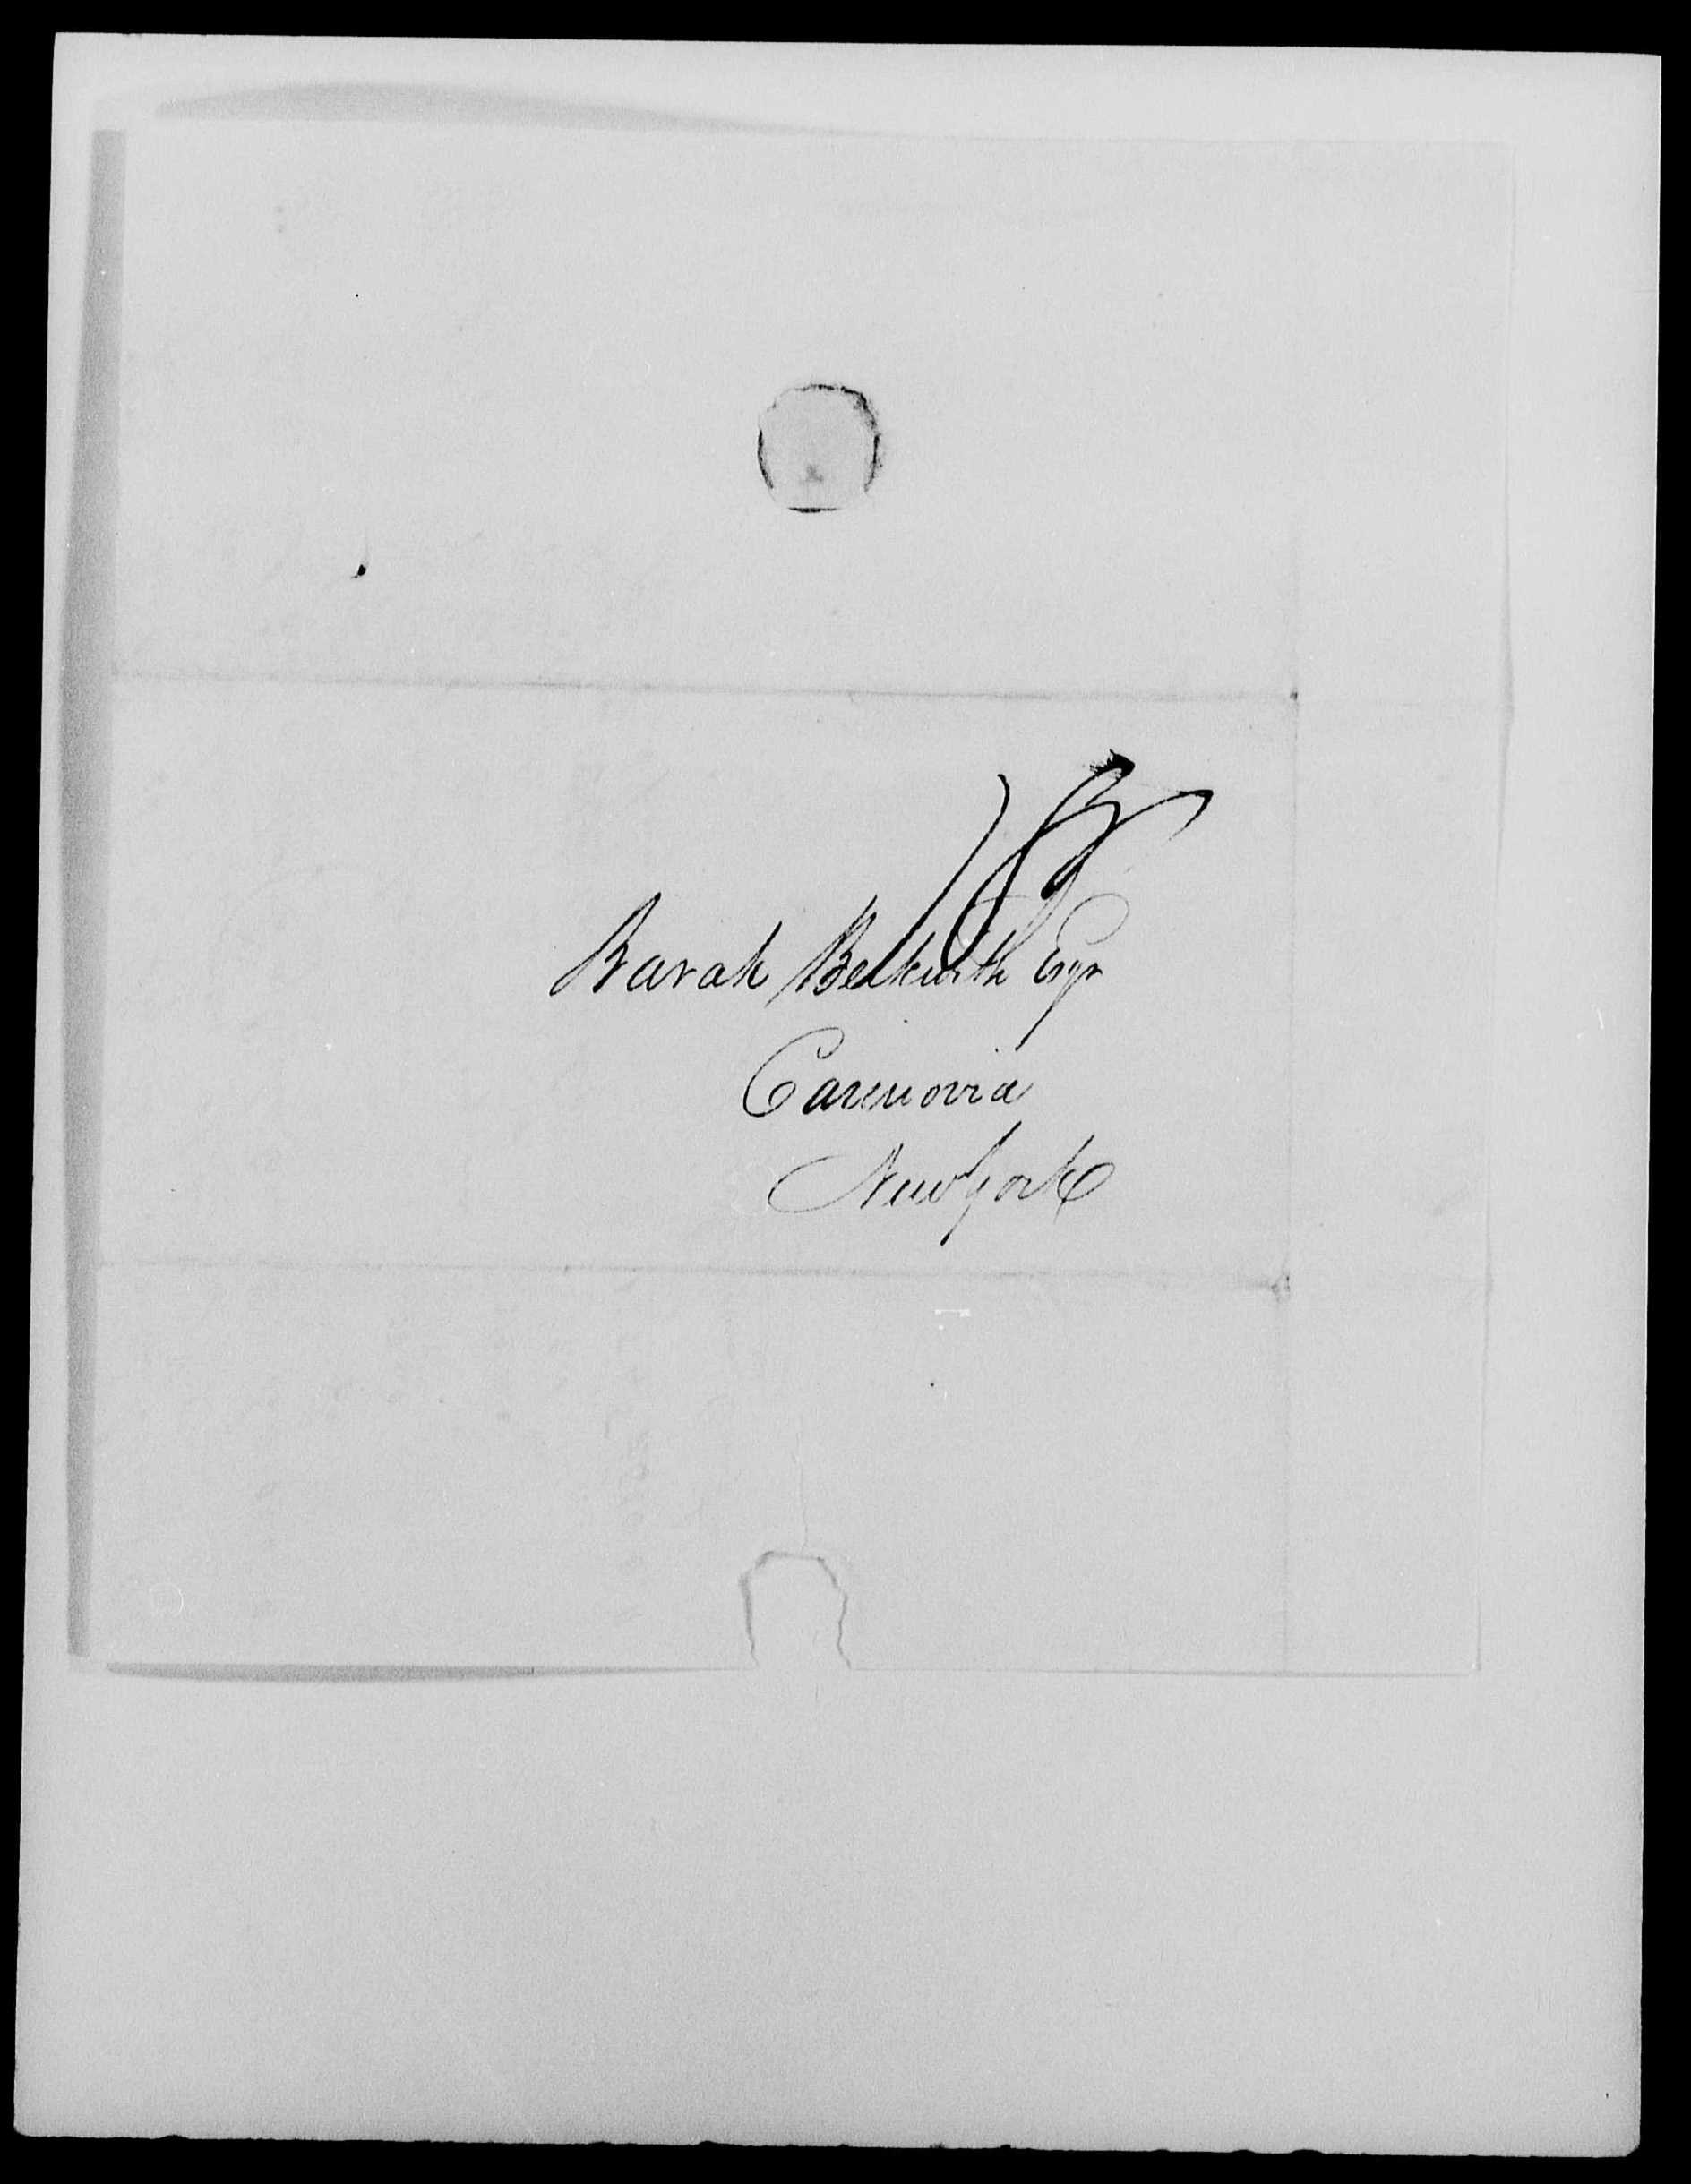Barak Beckwith Esq
Cazenovia
New York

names: Barak Beckwith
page: 14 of 51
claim: widow's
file: W. 23816, Oliver Clark, Conn.